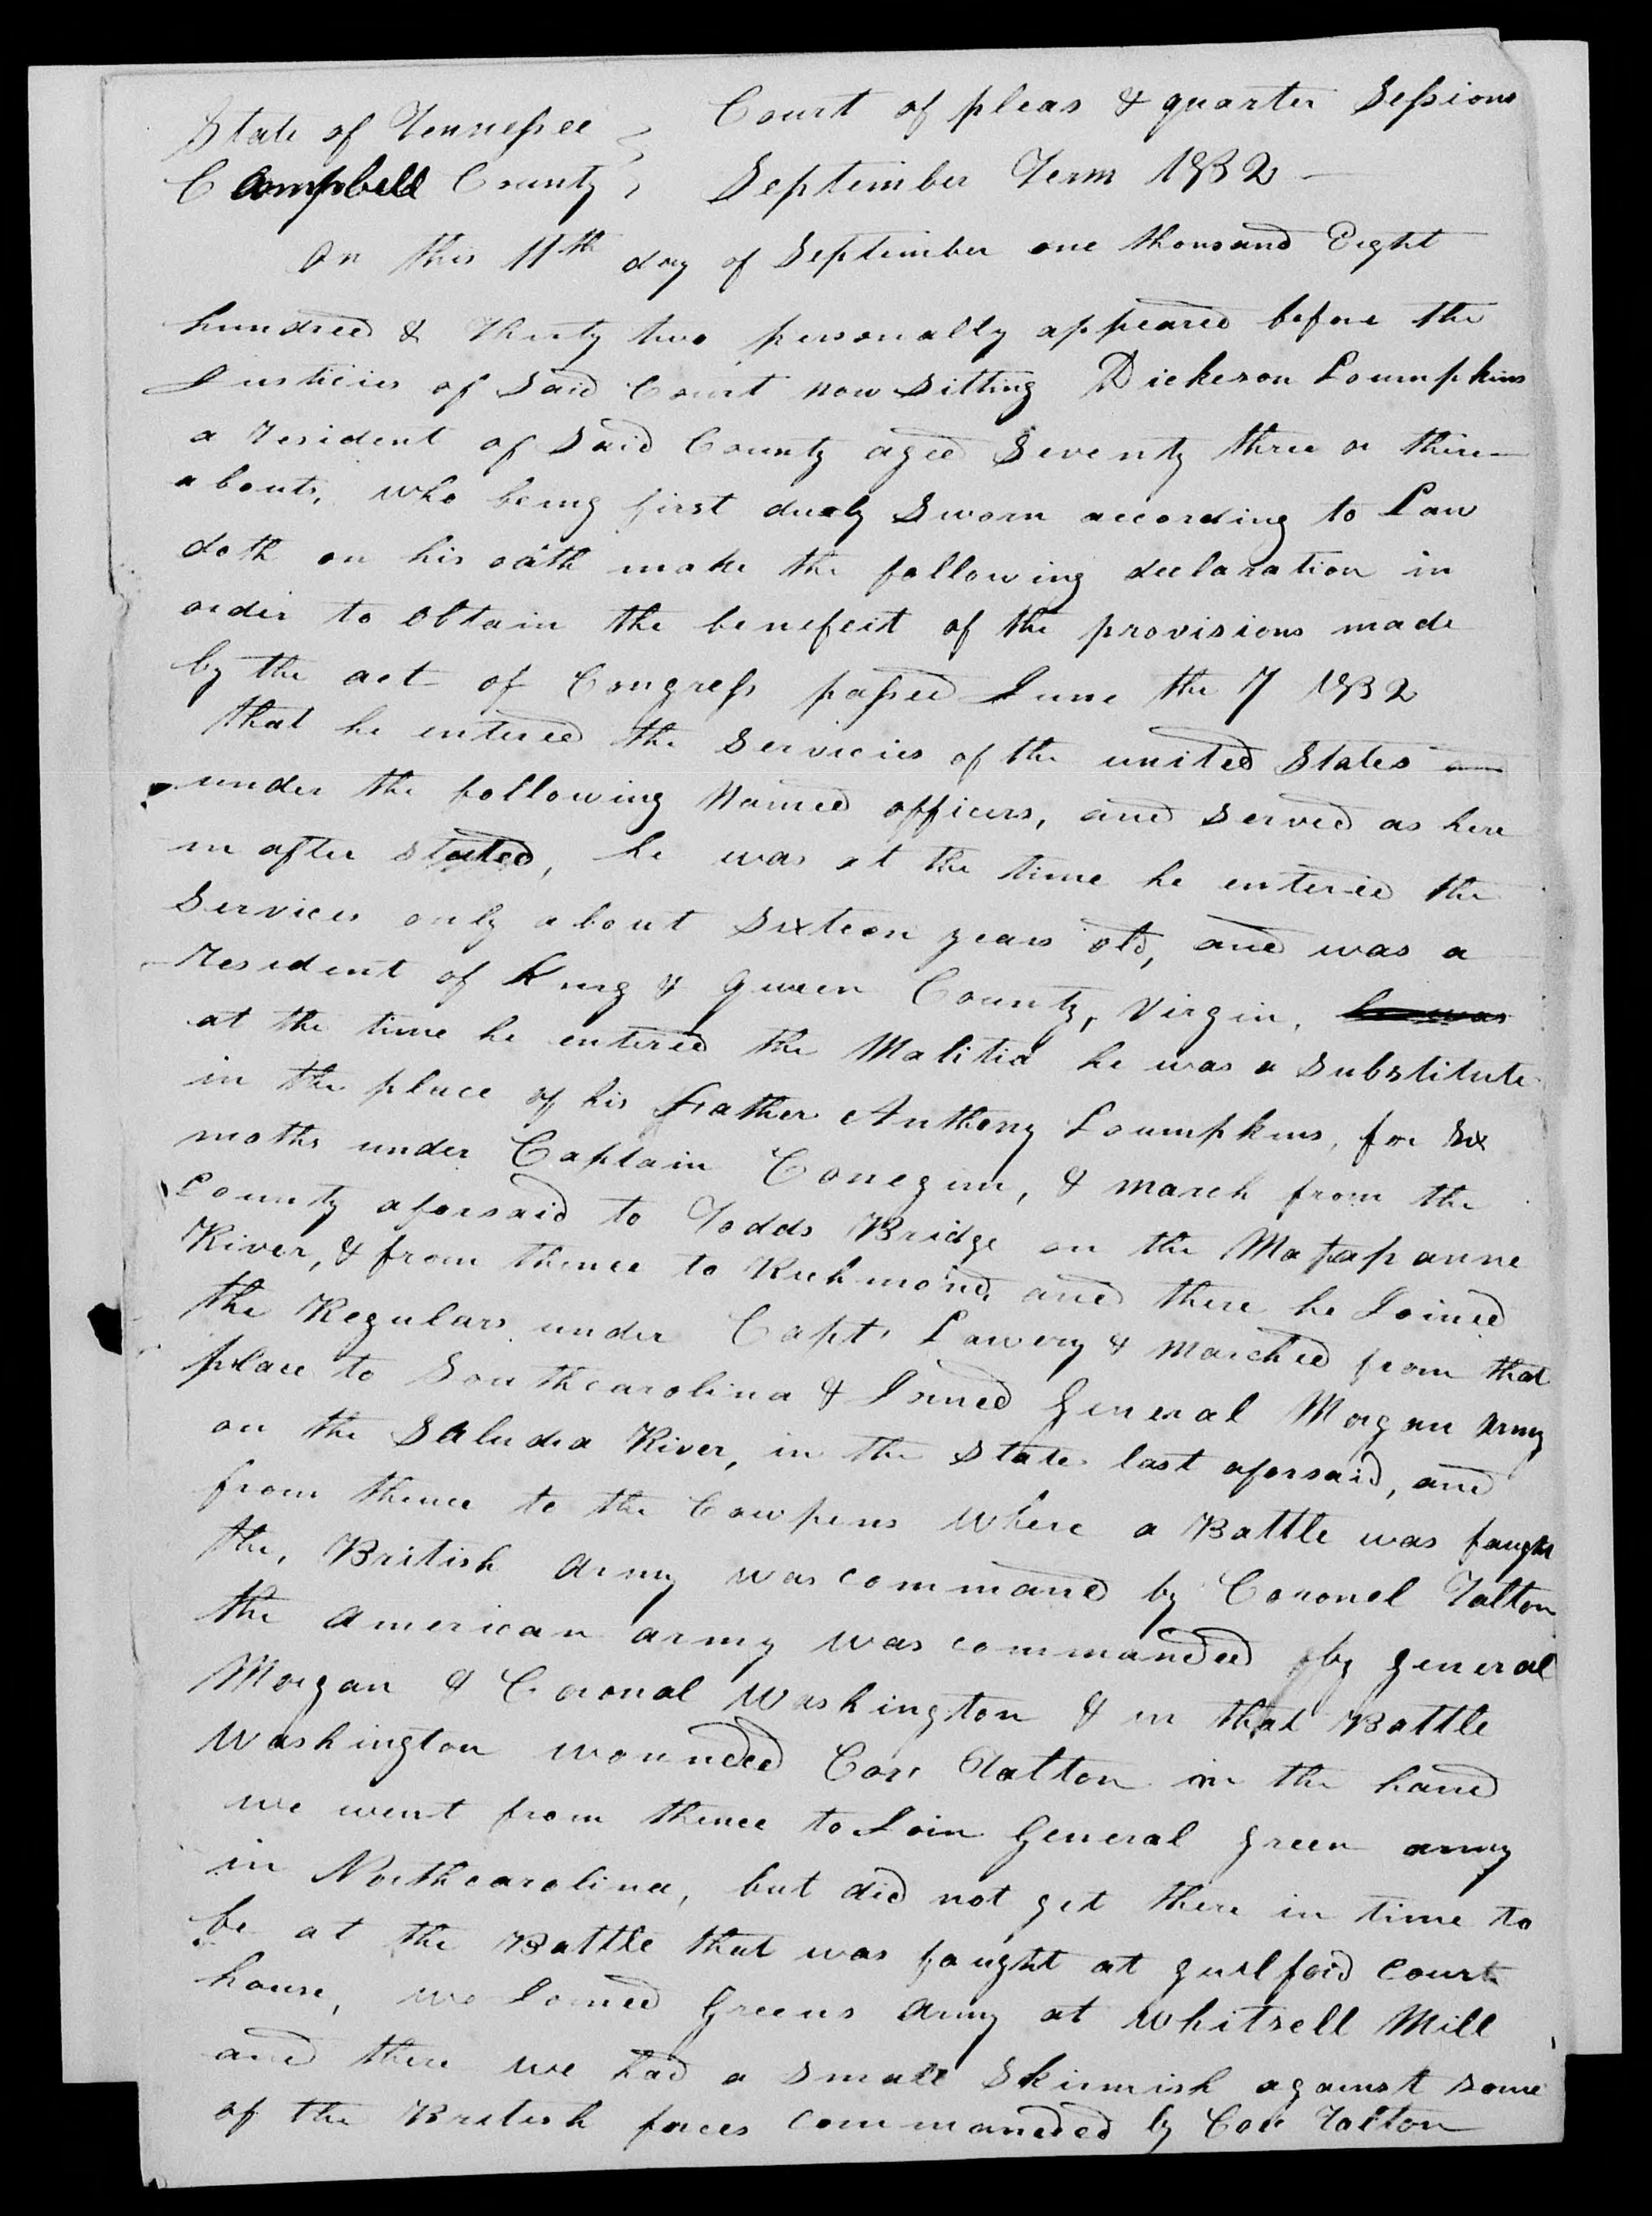(Handwritten document)

State of Tennessee
Court of pleas & quarter Sessions
Campbell County, September Term 1832-

On this 11th day of September one thousand Eight hundred & thirty two personally appeared before the Justices of said Court now sitting Dickson Loumpkins a resident of said County aged Seventy three or there
abouts, who being first duly sworn according to Law doth on his oath make the following declaration in order to obtain the benefit of the provisions made by the act of Congress passed June the 7 1832

that he entered the services of the united States under the following named officers, and served as here in after stated, he was at the time he entered the Services only about sixteen years old, and was a resident of King & Queen County, Virgin at the time he entered the Malitia he was a substitute in the place of his Father Anthony Tompkins, for six
months under Captain C(illegible), & march from the County aforesaid to Todds Bridge on the Mattaponi River, & from thence to Richmond and there he Joined the Regulars under Capt. Lawery & marched from that
place to South Carolina & Joined General Mogan army on the Saluda River in the State last aforesaid, and from thence to the Cowpens where a Battle was fought
the British army was command by Colonel Tatton the American army was commanded by General Morgan & Colonel Washington & in that Battle Washington wounded (illegible) Tatton in the hand we went from thence to Join General Green army in North Carolina, but did not get there in time to be at the Battle that was fought at Guilford Court house, we 
Joined Greens army at Whitsell Mill and there we had a small skirmish against some of the British forces commanded by Col Talton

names: [BLANK] Washington; [BLANK] Talton; [BLANK] Morgan; [BLANK] Conegim; Dickeson Loumpkins; [BLANK] Green; [BLANK] Lawery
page: 4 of 37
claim: rejected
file: R. 6521, for Dickeson Lumpkin, Pennsylvania